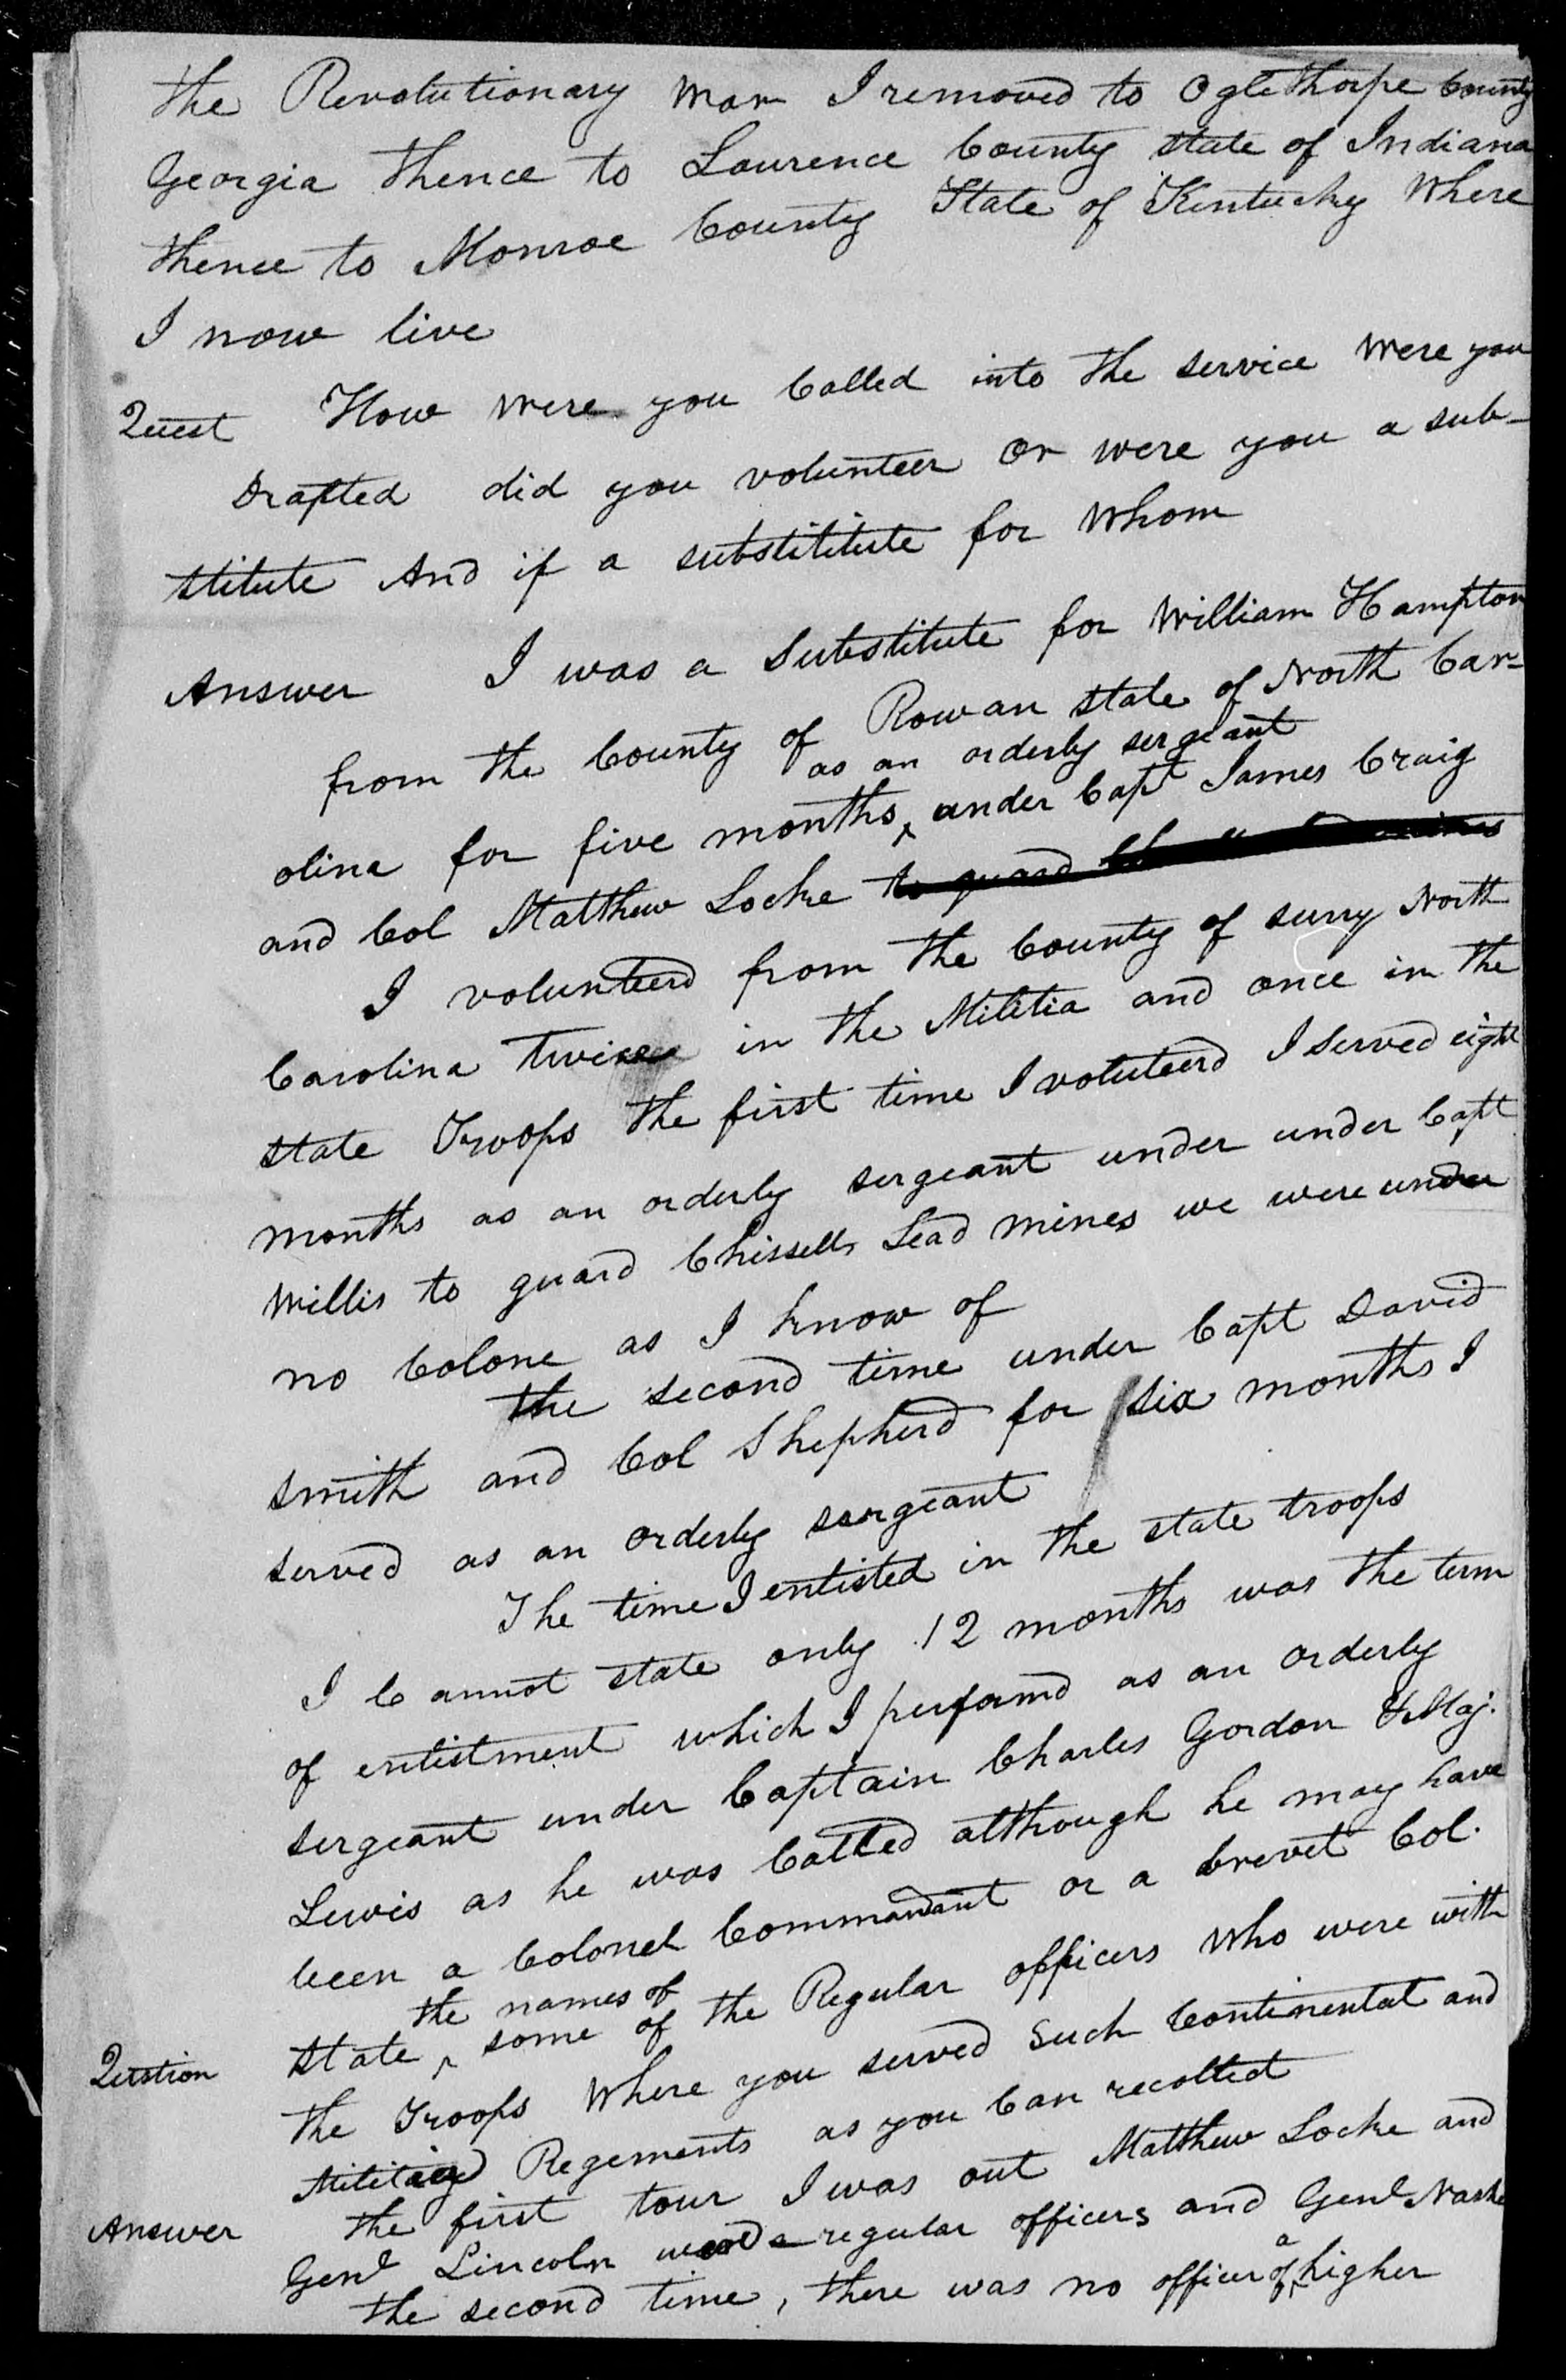the Revolutionary War I removed to Oglethorpe County Georgia thence to Laurence County state of Indiana thence to Monroe County State of Kentucky where I now live
Quest  How were you called into the service were you drafted did you volunteer or were you a substititute and if a substititute for whom
Answer I was a substitute for William Hampton from the county of Rowan state of North Carolina for five months as an orderly sergeant under Capt James Craig and Col Matthew Locke 
I volunteered from the county of Surry North Carolina twice in the Militia and once in the state troops the first time I volunteered I served eight months as an orderly sergeant under under Capt Willis to guard Chissells lead mines we were under no colonel as I know of 
the second time under Capt David Smith and Col Shepherd for six months I serviced as an orderly sergeant
The time I enlisted in the state troops I cannot state only 12 months was the term of enlistment which I performed as an orderly sergeant under Captain Charles Gordon & Maj Lewis as he was called although he may have been a colonel commanant or a brevet Col.
Question state the names of the Regular officers who were with the troops where you served such continental and militia regements as you can recollect
Answer the first tour I was out Matthew Locke and Genl Lincoln was regular officers and Genl Nashe the second time, there was no officer of a higher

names: William Hampton, Shepherd, Willis, Matthew Locke, Charles Gordon, James Craig, Lincoln, David Smith, Matthew Locke, Lewis, Nashe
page: 9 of 82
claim: widow's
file: W. 7,522, John Giles, N.C.